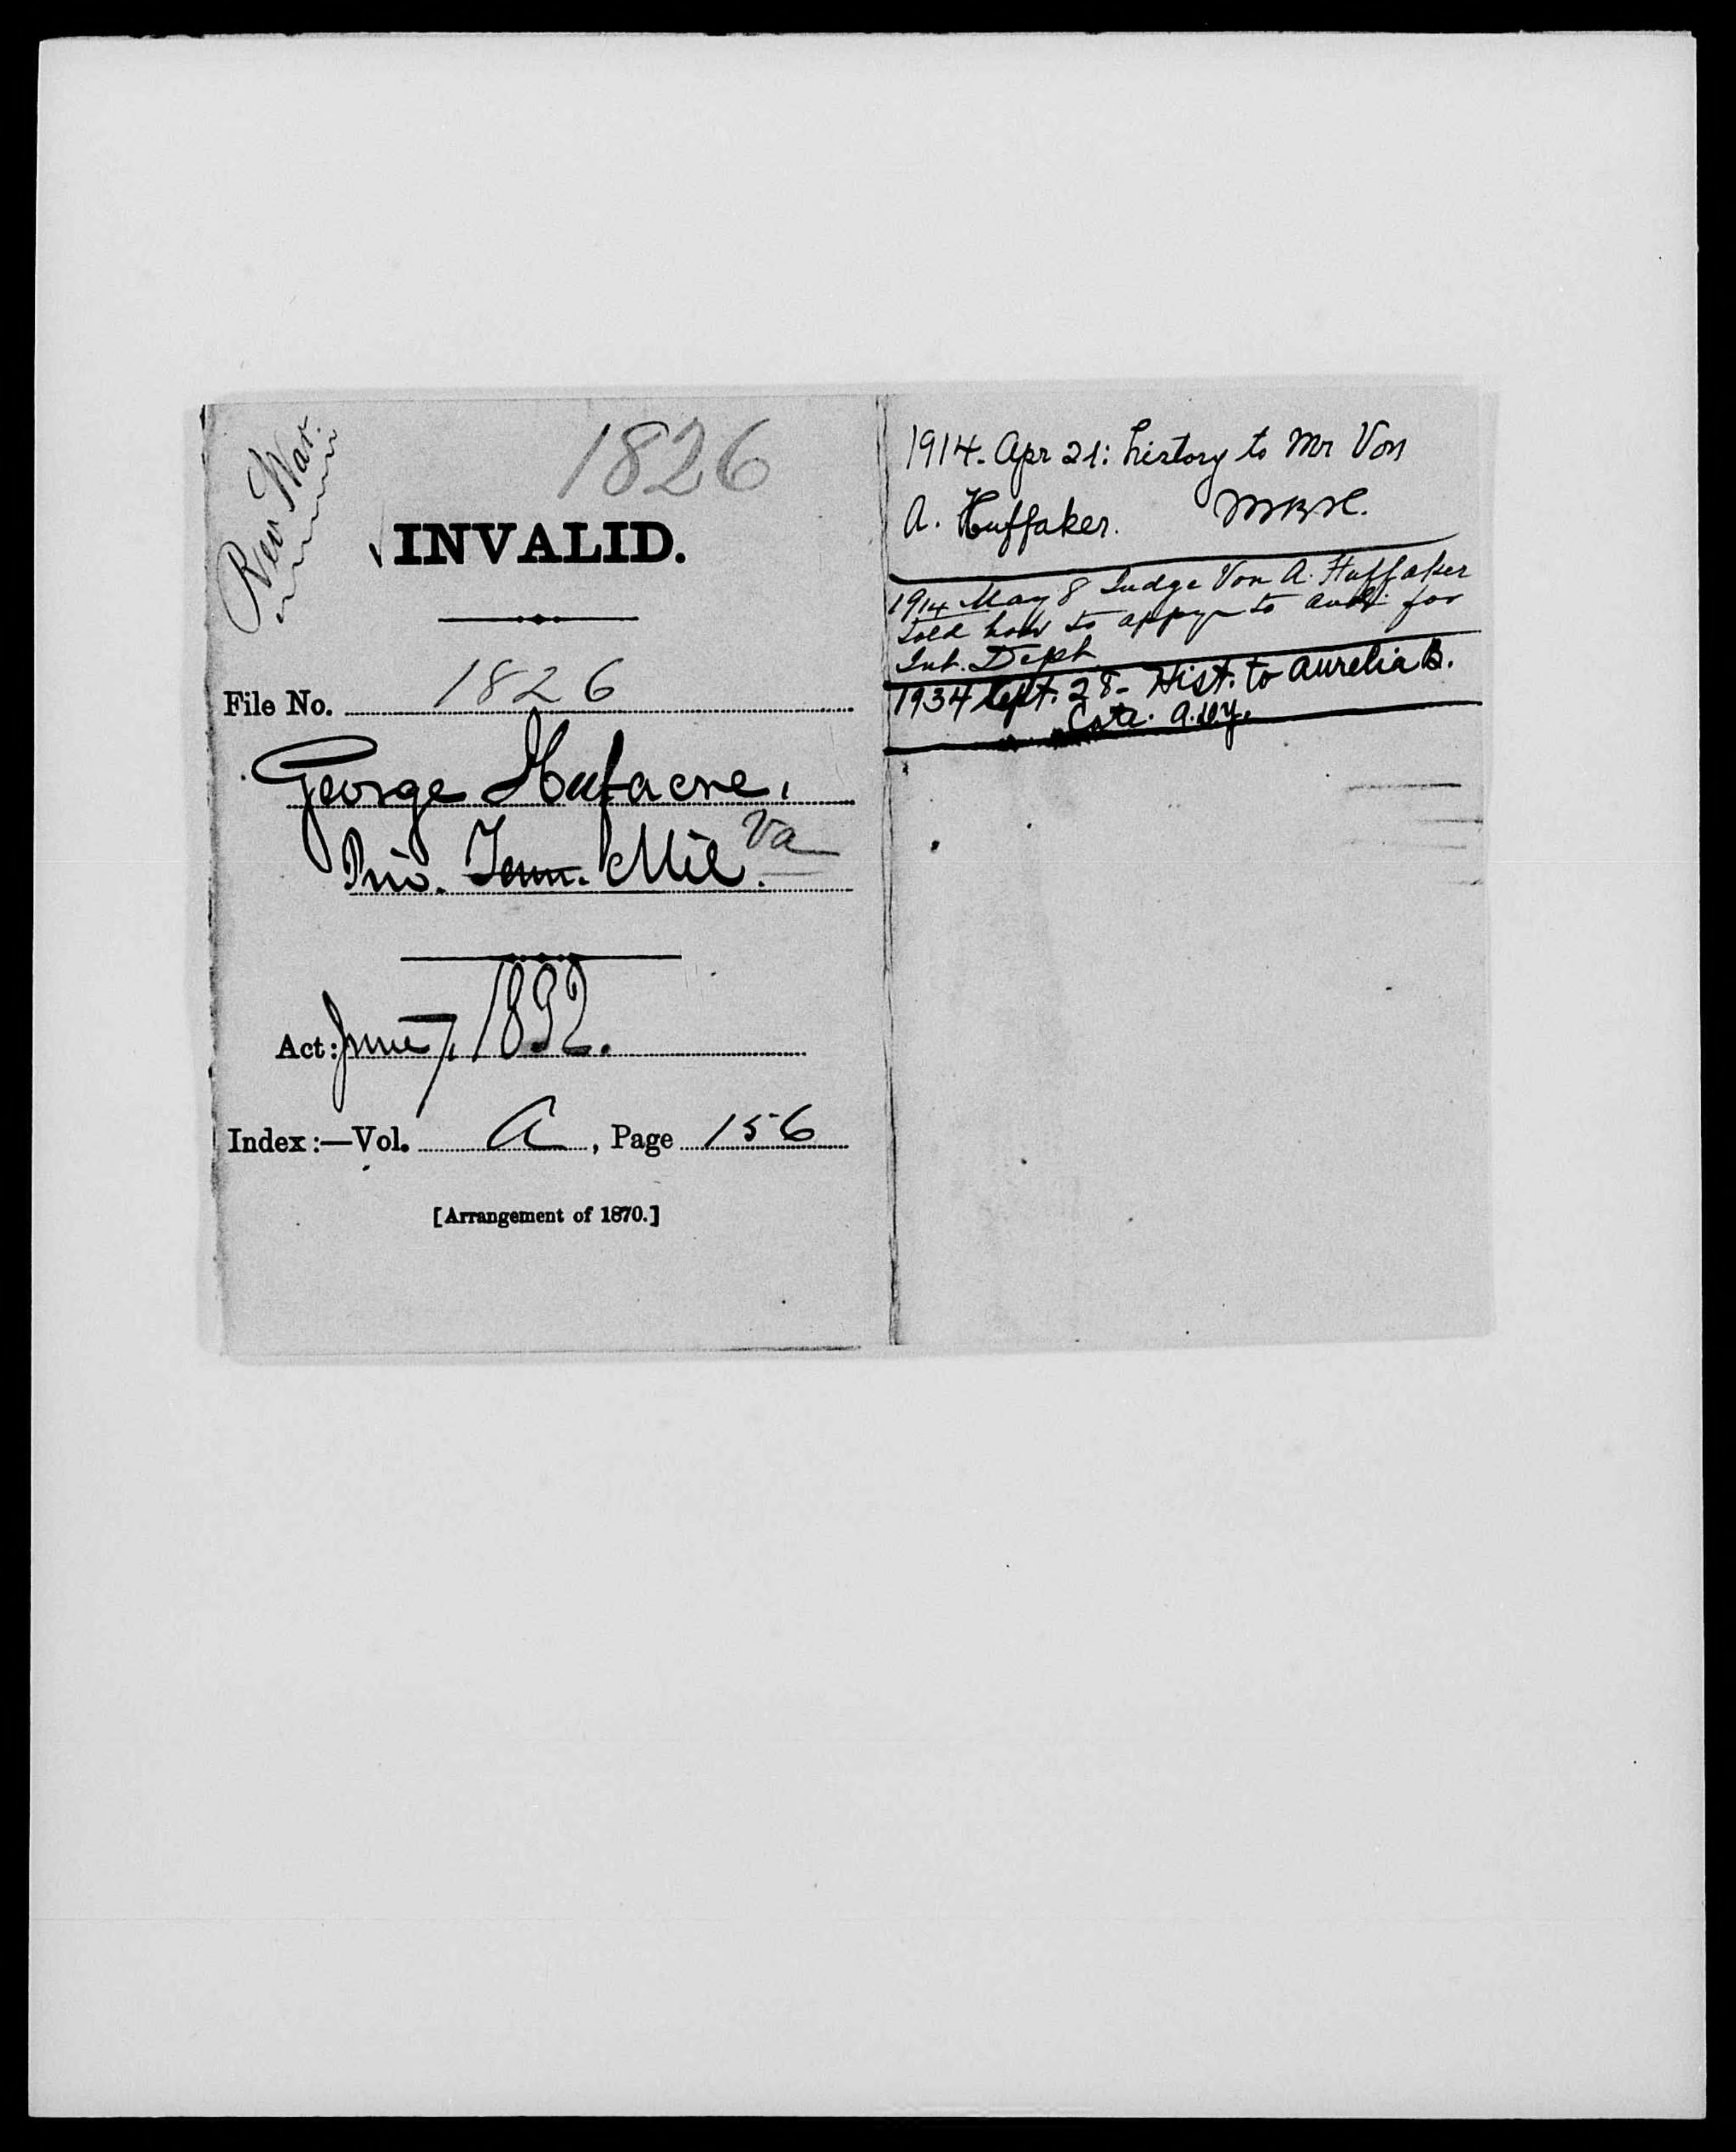[Left Page]
Rev War    1826
Invalid.
File No. 1826
George Hufacre
Priv. Tenn. [stricken] Mil. ^ Va
Act June 7, 1832
Index:-Vol. A, Page 156
Arrangement of 1870

[Right Page]
1914. Apr 21: history to Mr Von A. Huffaker  MRH.
1914 May 8 Judge Von A. Huffaker told how to apply to ady.[?] for Int. Dept. 
1934 Sept 28- Hist. to Aurelia B. Cate. ADY[?]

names: Von A Huffaker, George Hufacre, Aurelia B Cate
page: 13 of 19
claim: survivor's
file: S. 1826, George Hufacre, Va.